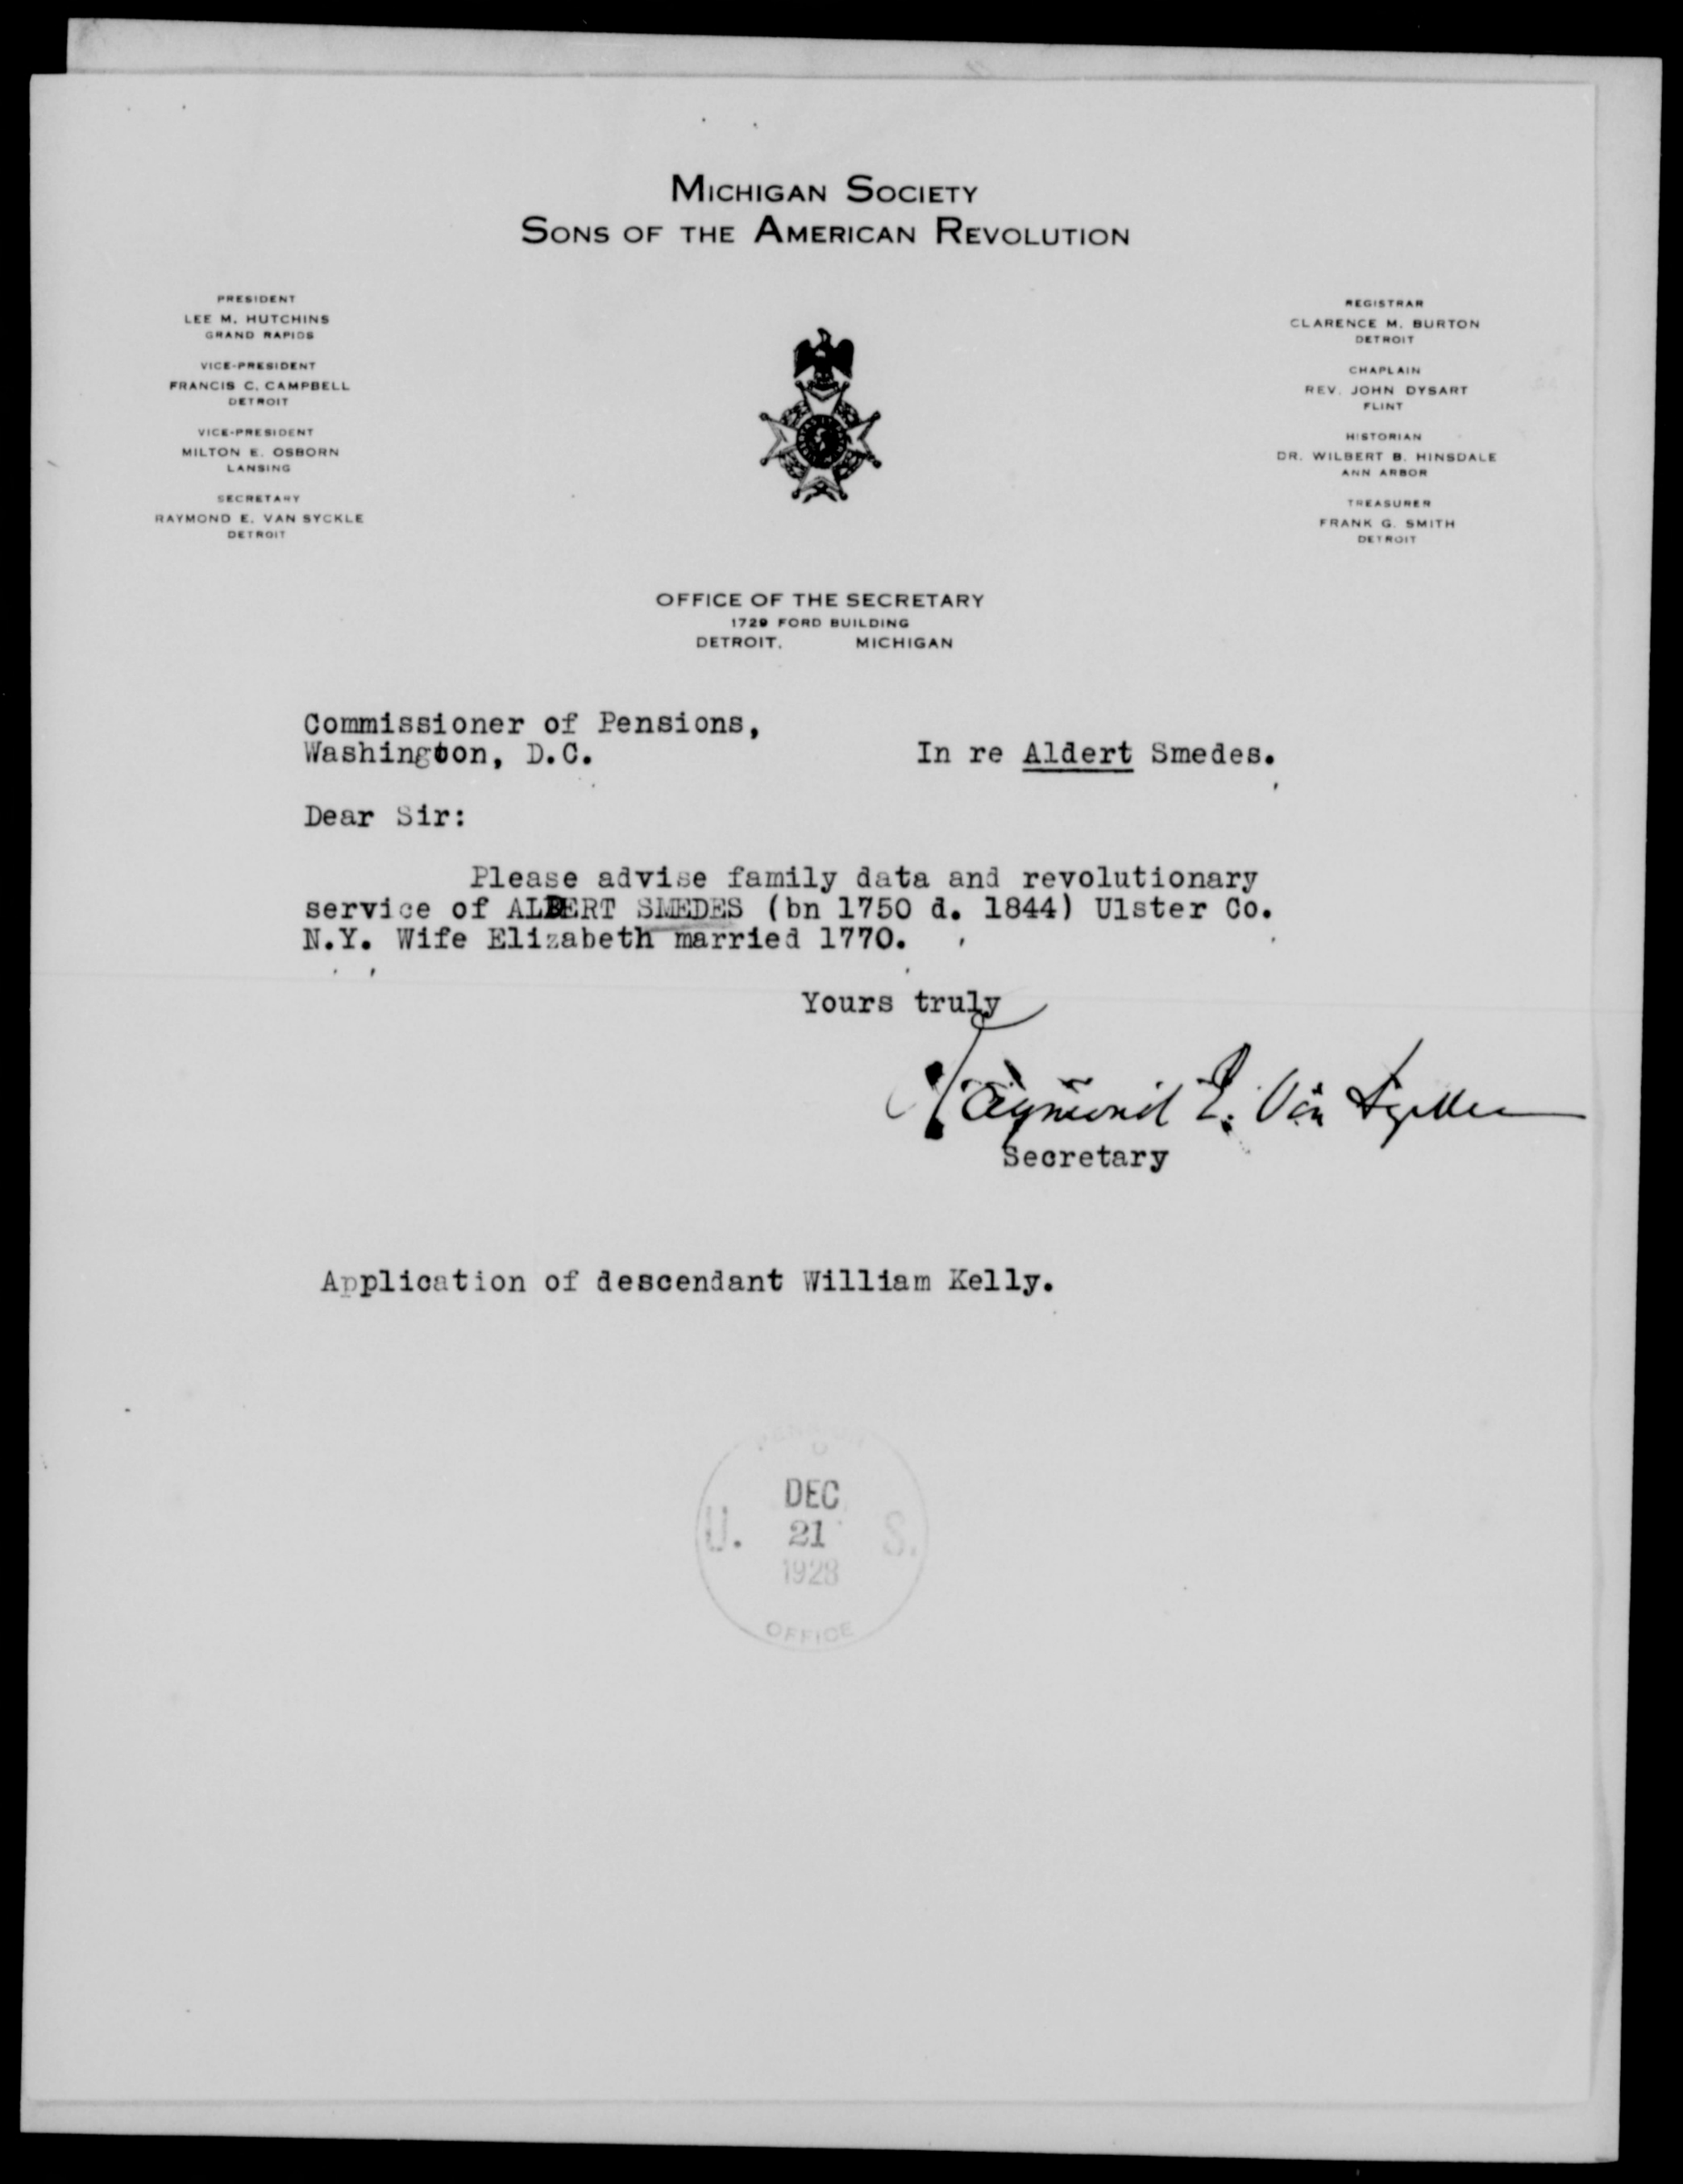Michigan Society 
Sons of the American Revolution

President Lee M. Hutchins
Grand Rapids

Vice-President Francis C. Campbell
Detroit

Vice-President Milton E. Osborne
Lansing

Secretary Raymond E. Van Syckle
Detroit

Registrar Clarence M. Burton
Detroit

Chaplain Rev. John Dysart
Flint

Historian  Cr. Wilbert B HJinsdale
Ann Arbor

Treasurer Frank G. Smith
Detroit

Office of the Secretary
1729 Ford Building
Detroit, Michigan

Commissioner of Pensions,
Washington, D. C.
In re Aldert Smedes.

Dear Sir:
Please advise family data and revolutionary service of Albert Smedes (bn 1750 d. 1844) Ulster Co. N.Y.  Wife Elizabeth married 1770.

Yours Truly
Raymond E. Van Syckle
Secretary

Application of descendant William Kelly.

[Stamp:]
U.S. Pension Office
Dec 21 1928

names: Aldert Smedes; Francis C Campbell; Raymond E Van Syckle; Milton E Osborn; John Dysart; Clarence M Hurton; Wilbert B Hinsdale; Lee M Hutchins; Frank G Smith; Albert Smedes; Raymond E Van Syckle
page: 19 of 29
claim: survivor's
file: S. 11415, for Aldert Smedes, New York